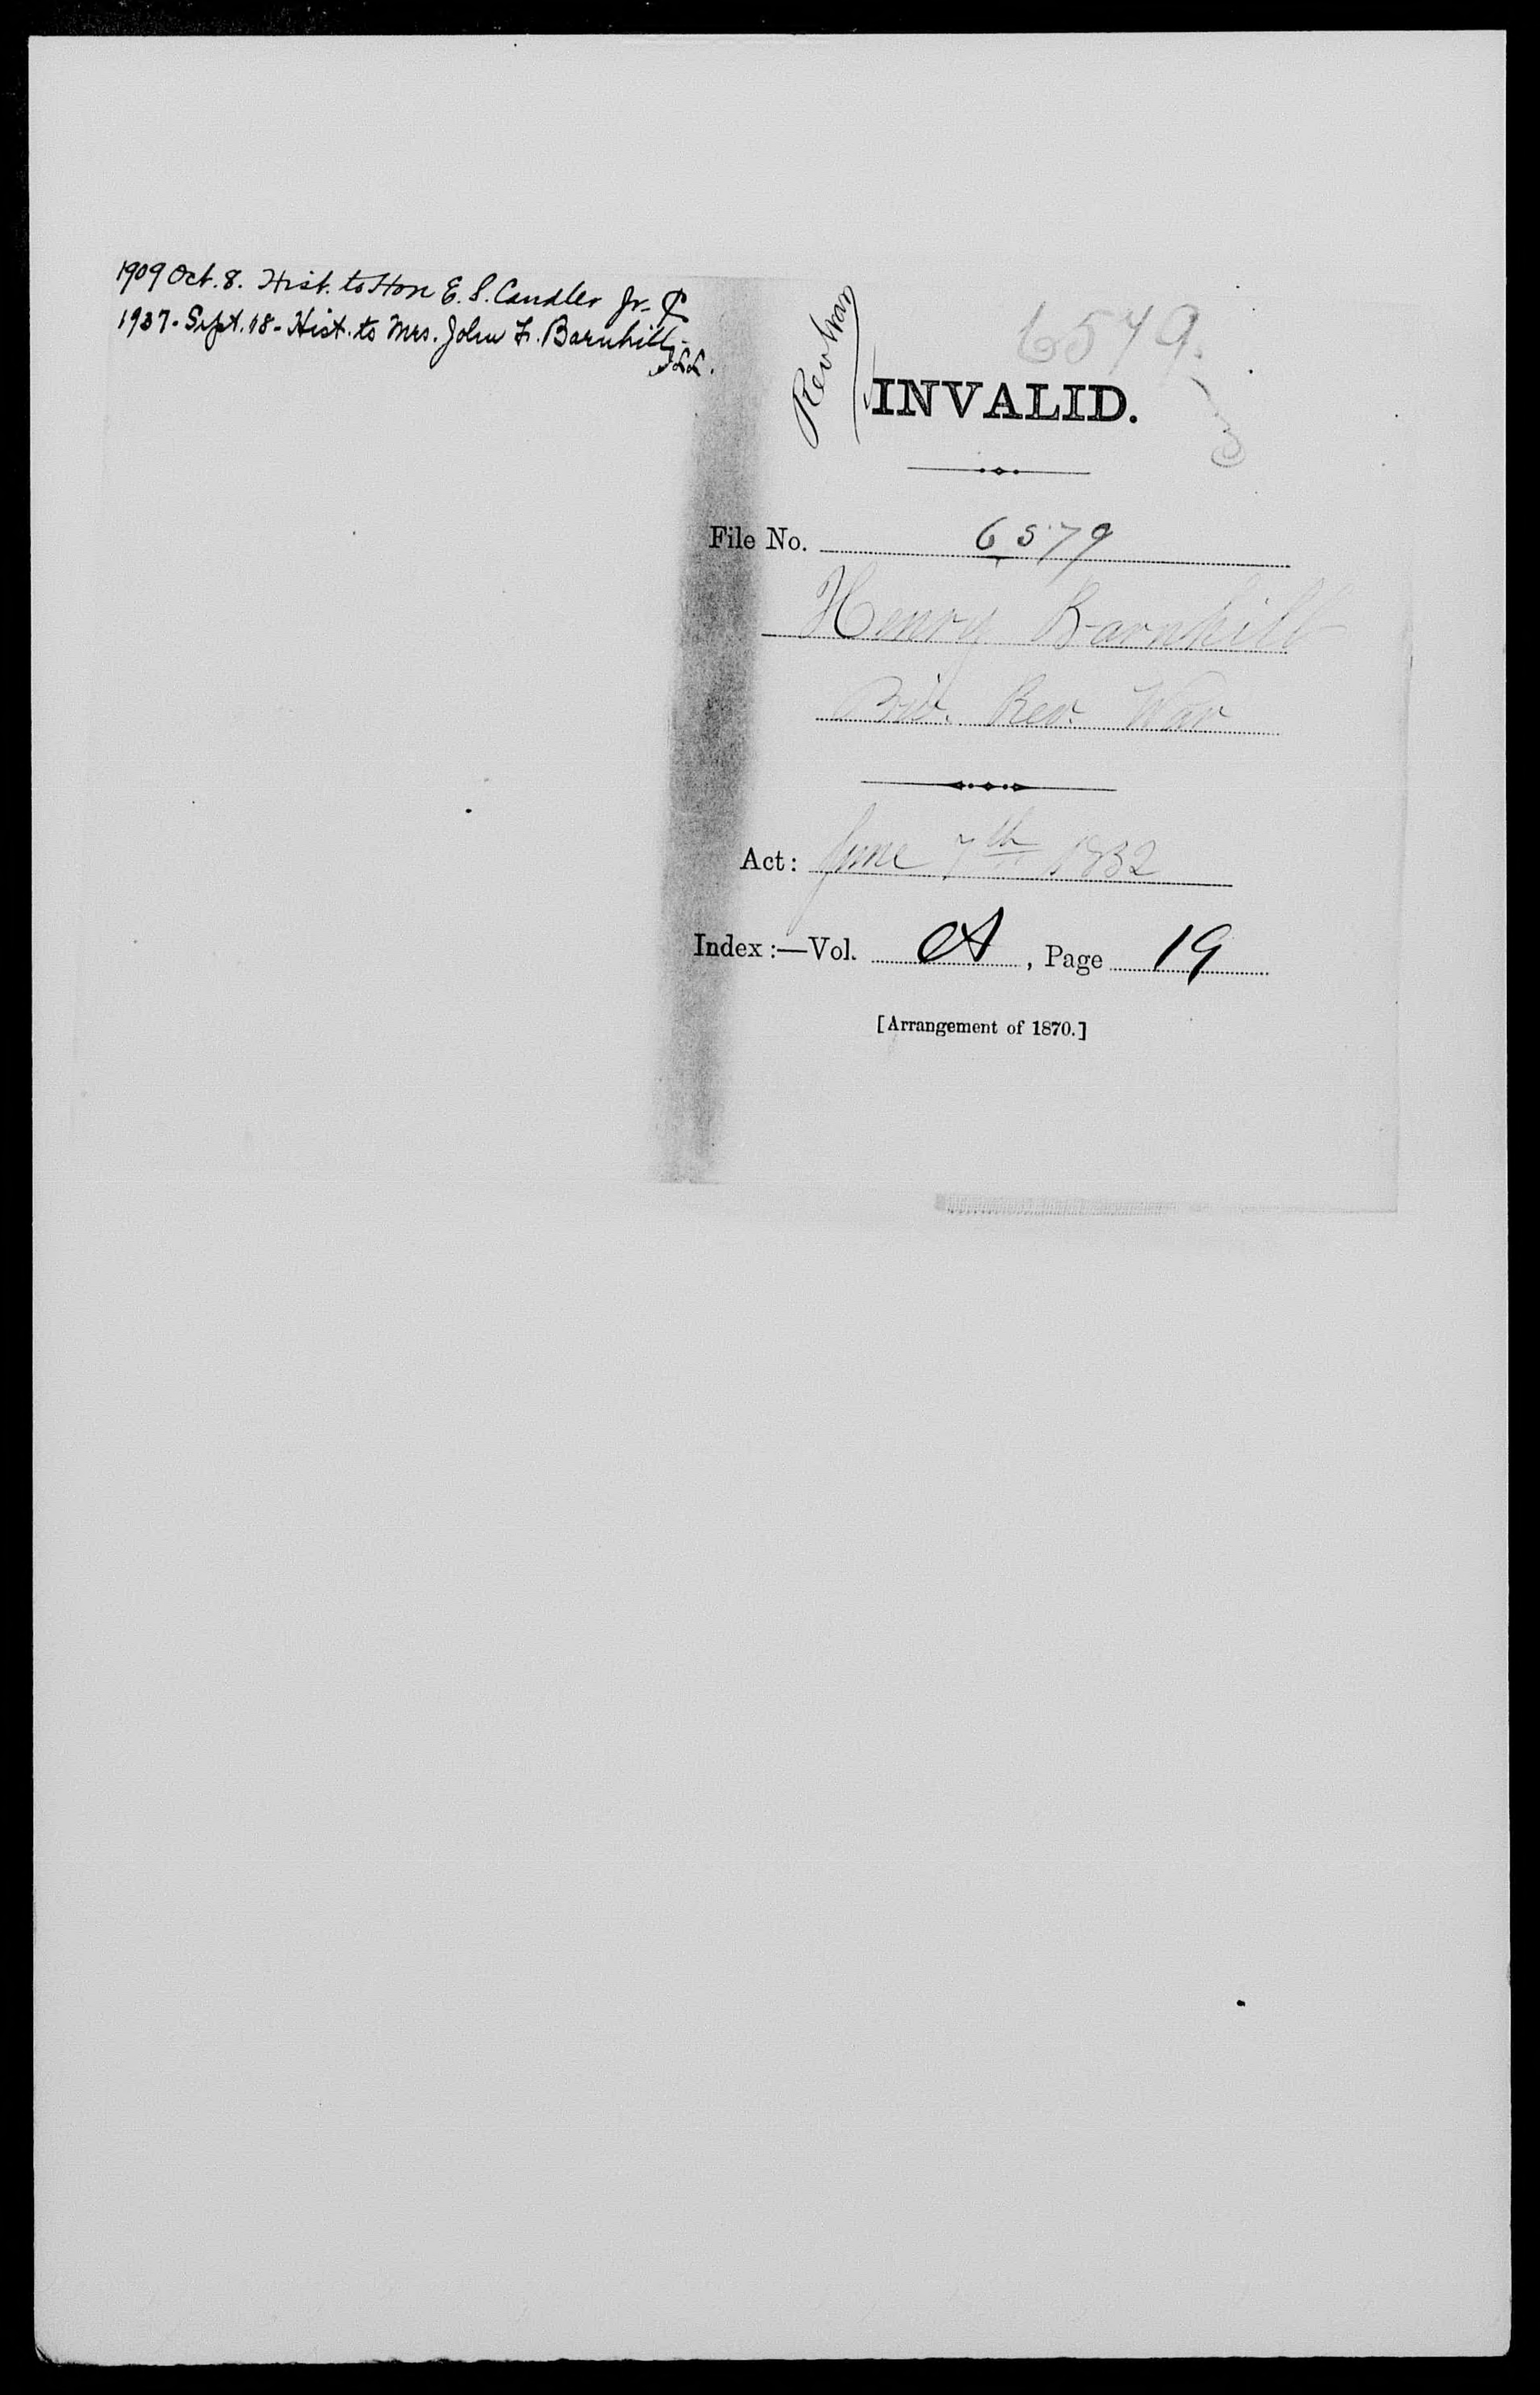1909 Oct.8. Hist. to Hon E.S. Candler Jr. ¢

1937- Sept. 18- Hist. to Mrs. John F. Barnhill - LL.


6579.
Rev War  INVALID.
_____________
File No. 6579
Henry Barnhill
Priv. Rev. War
____________
Act: June 7th 1832
Index:- Vol. A,    Page 19

[intentional brackets as printed]
[Arrangement of 1870.]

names: E S Candler, Henry Barnhill, John F Barnhill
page: 12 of 42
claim: survivor's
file: S. 6579, Henry Barnhill, N. C.